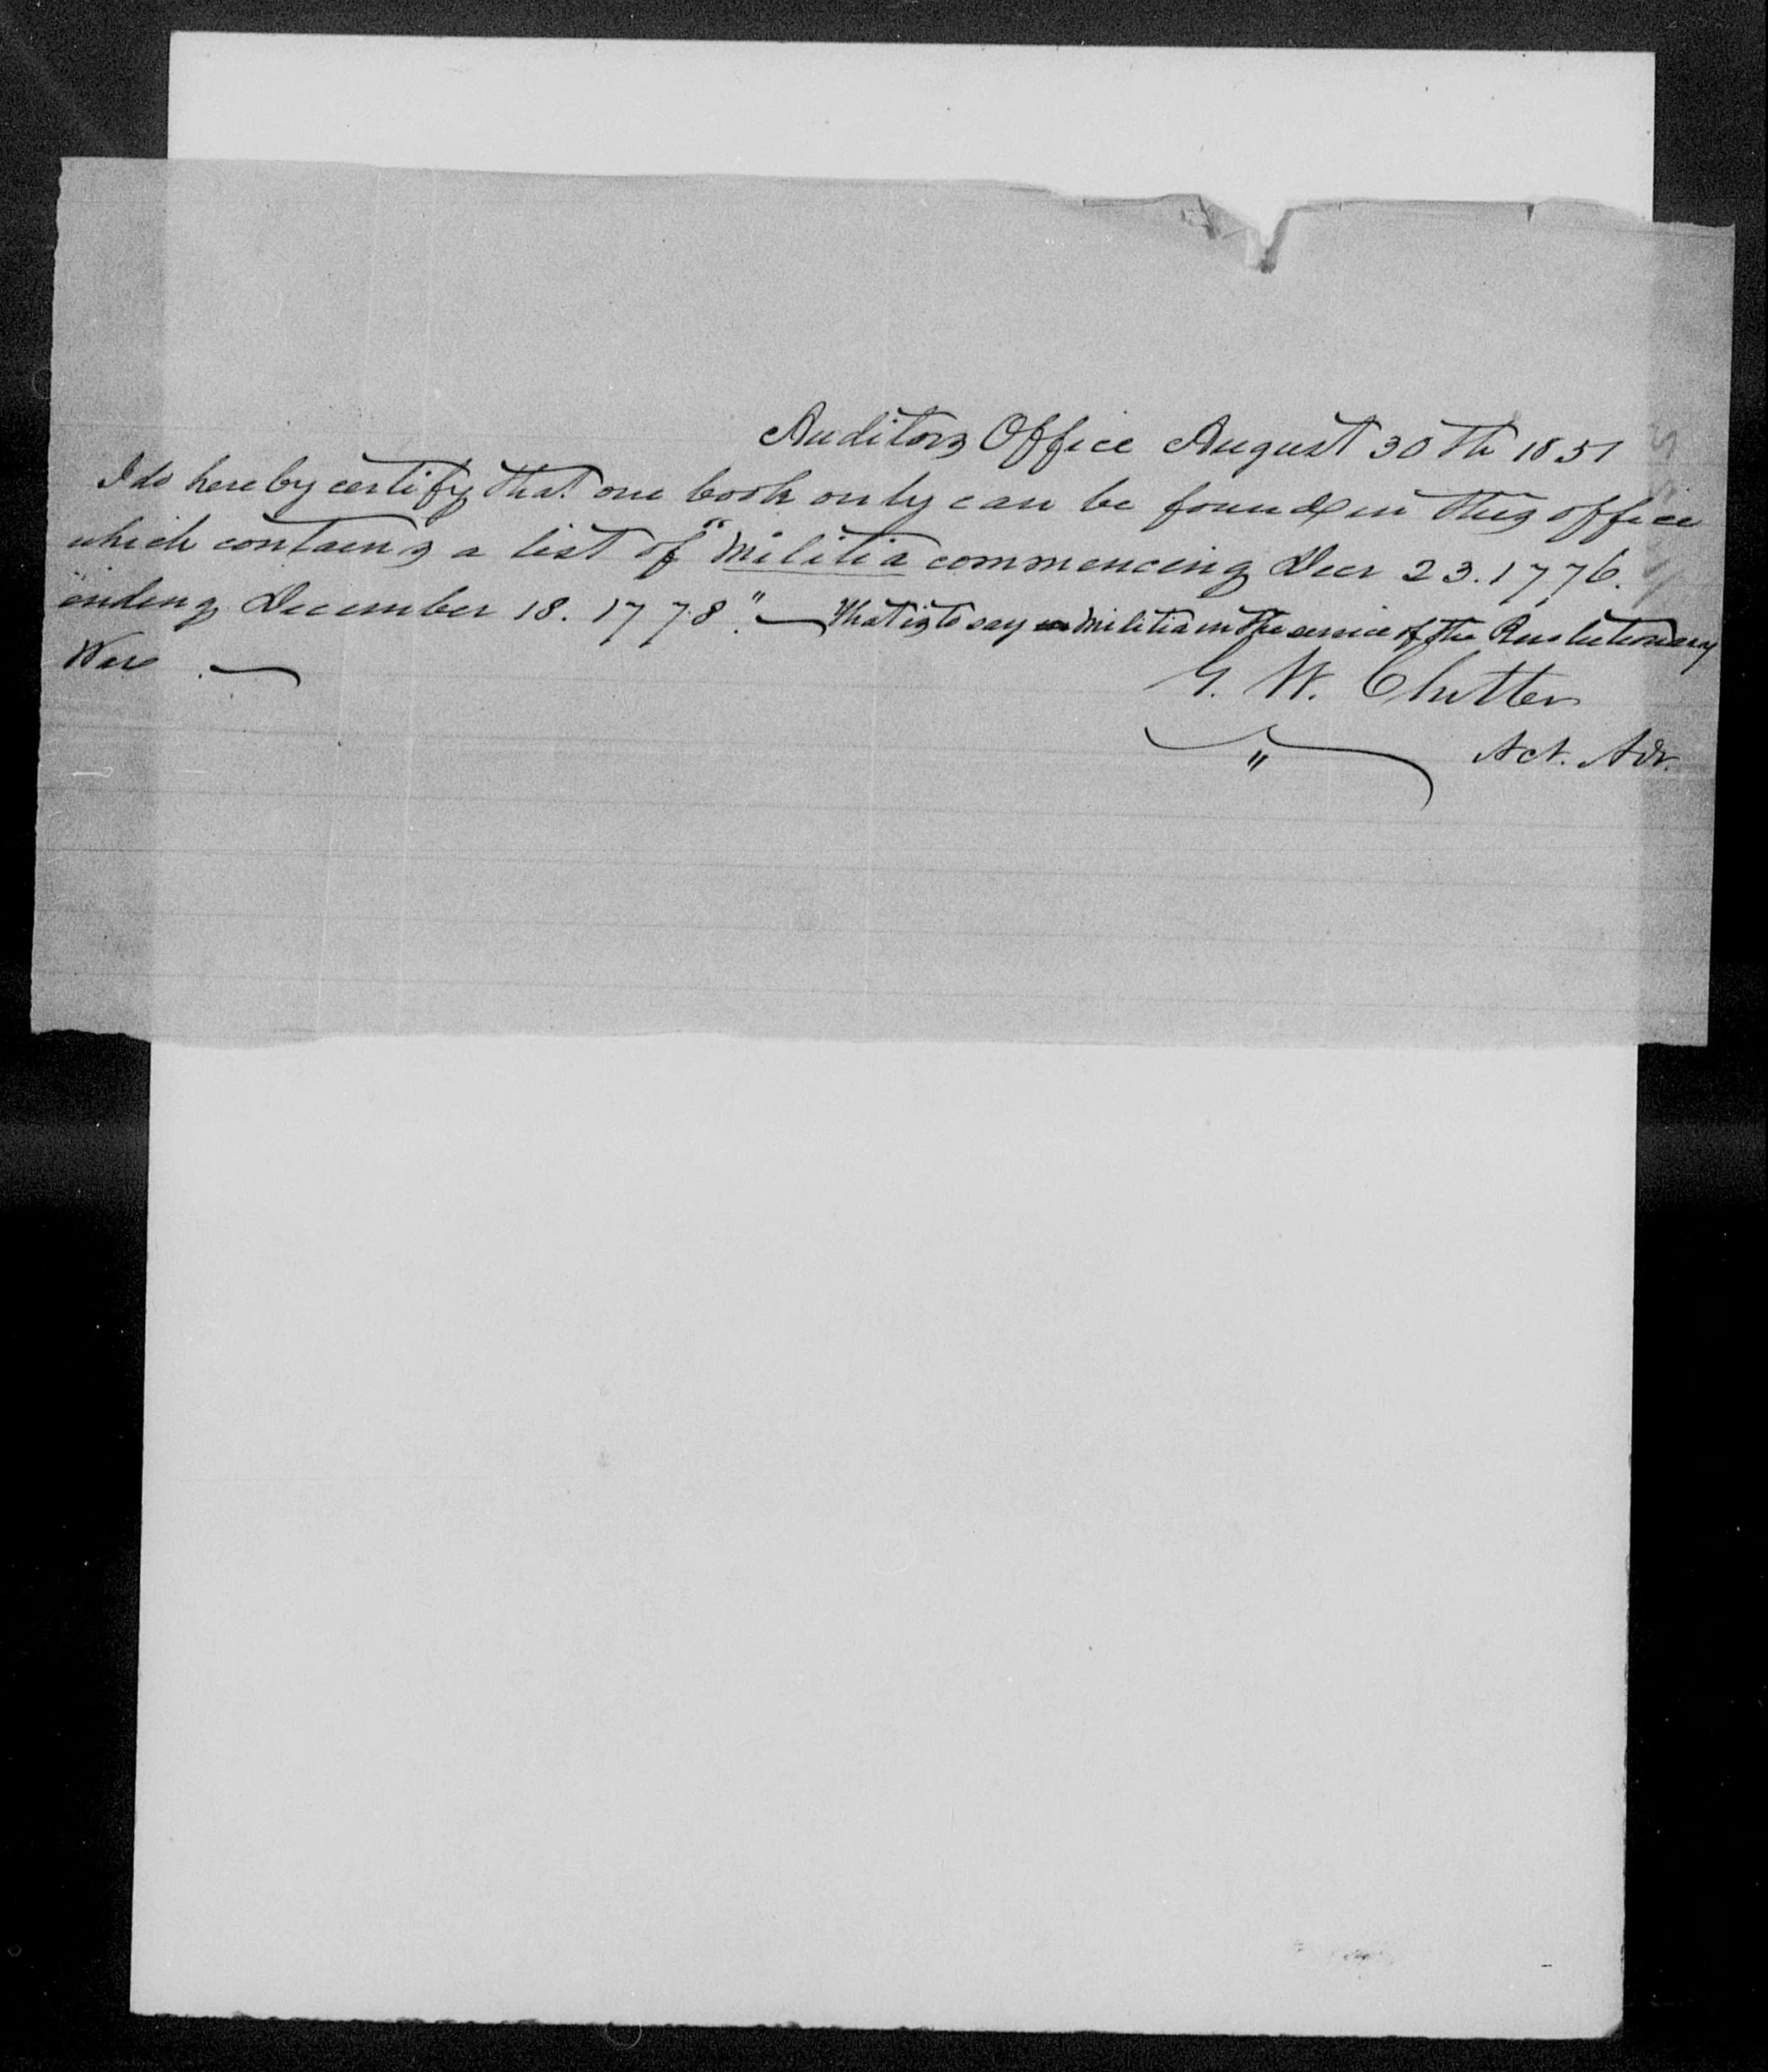Auditing Office August 30th  1851
I do here by certify that one book only can be found in this office which contains a list of "Militia commencing Decr 23. 1776. ending December 18. 1778." _____ That is to say [illegible cross out] Militia in the service of the Revolutionary War. __________
G. W. Chetter
Act. Adr.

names: G W Chetter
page: 43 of 267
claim: widow's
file: W. 4,149, William Campbell, Va.